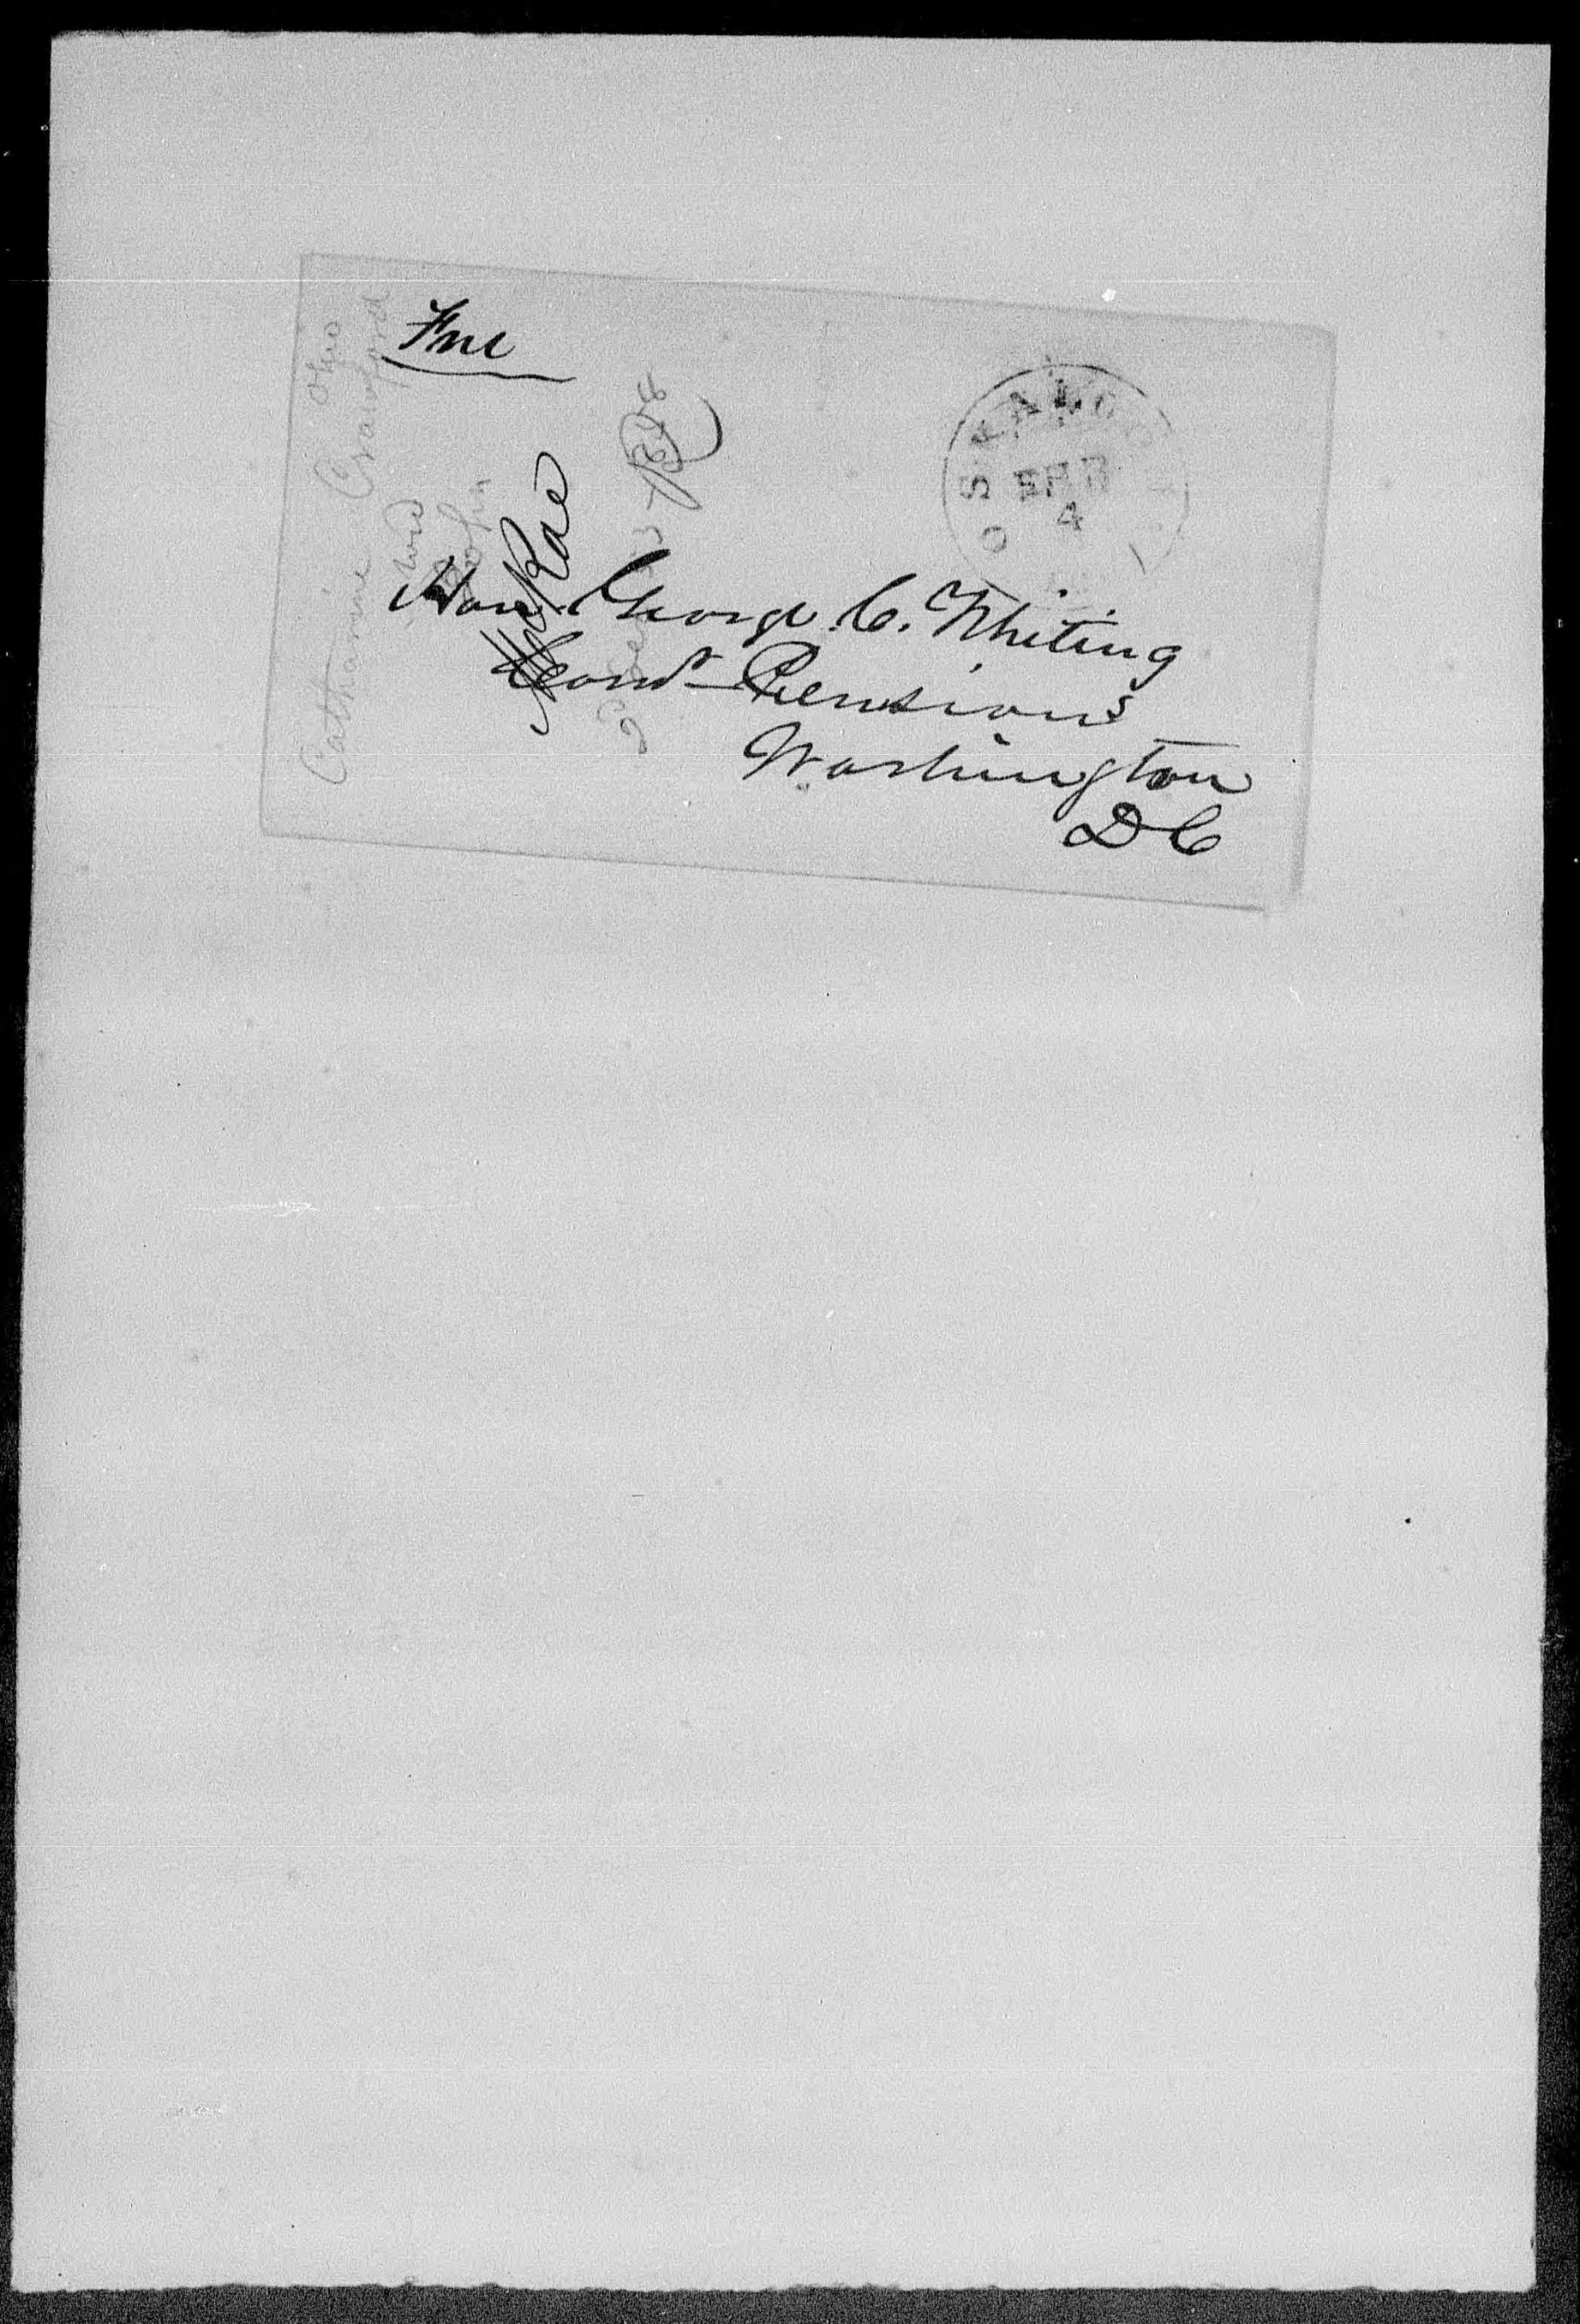[envelope]
Free
George C. Whiting
Comr Pensions
Washington
D C

]postmark]
OSKALOOSA
SEP 4

[sideways]
Ohio
Catherine Crawford
Wid John
2 Sep 53 - 1858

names: George C Whiting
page: 52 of 80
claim: widow's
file: W 2070, John Crawford, Penn.